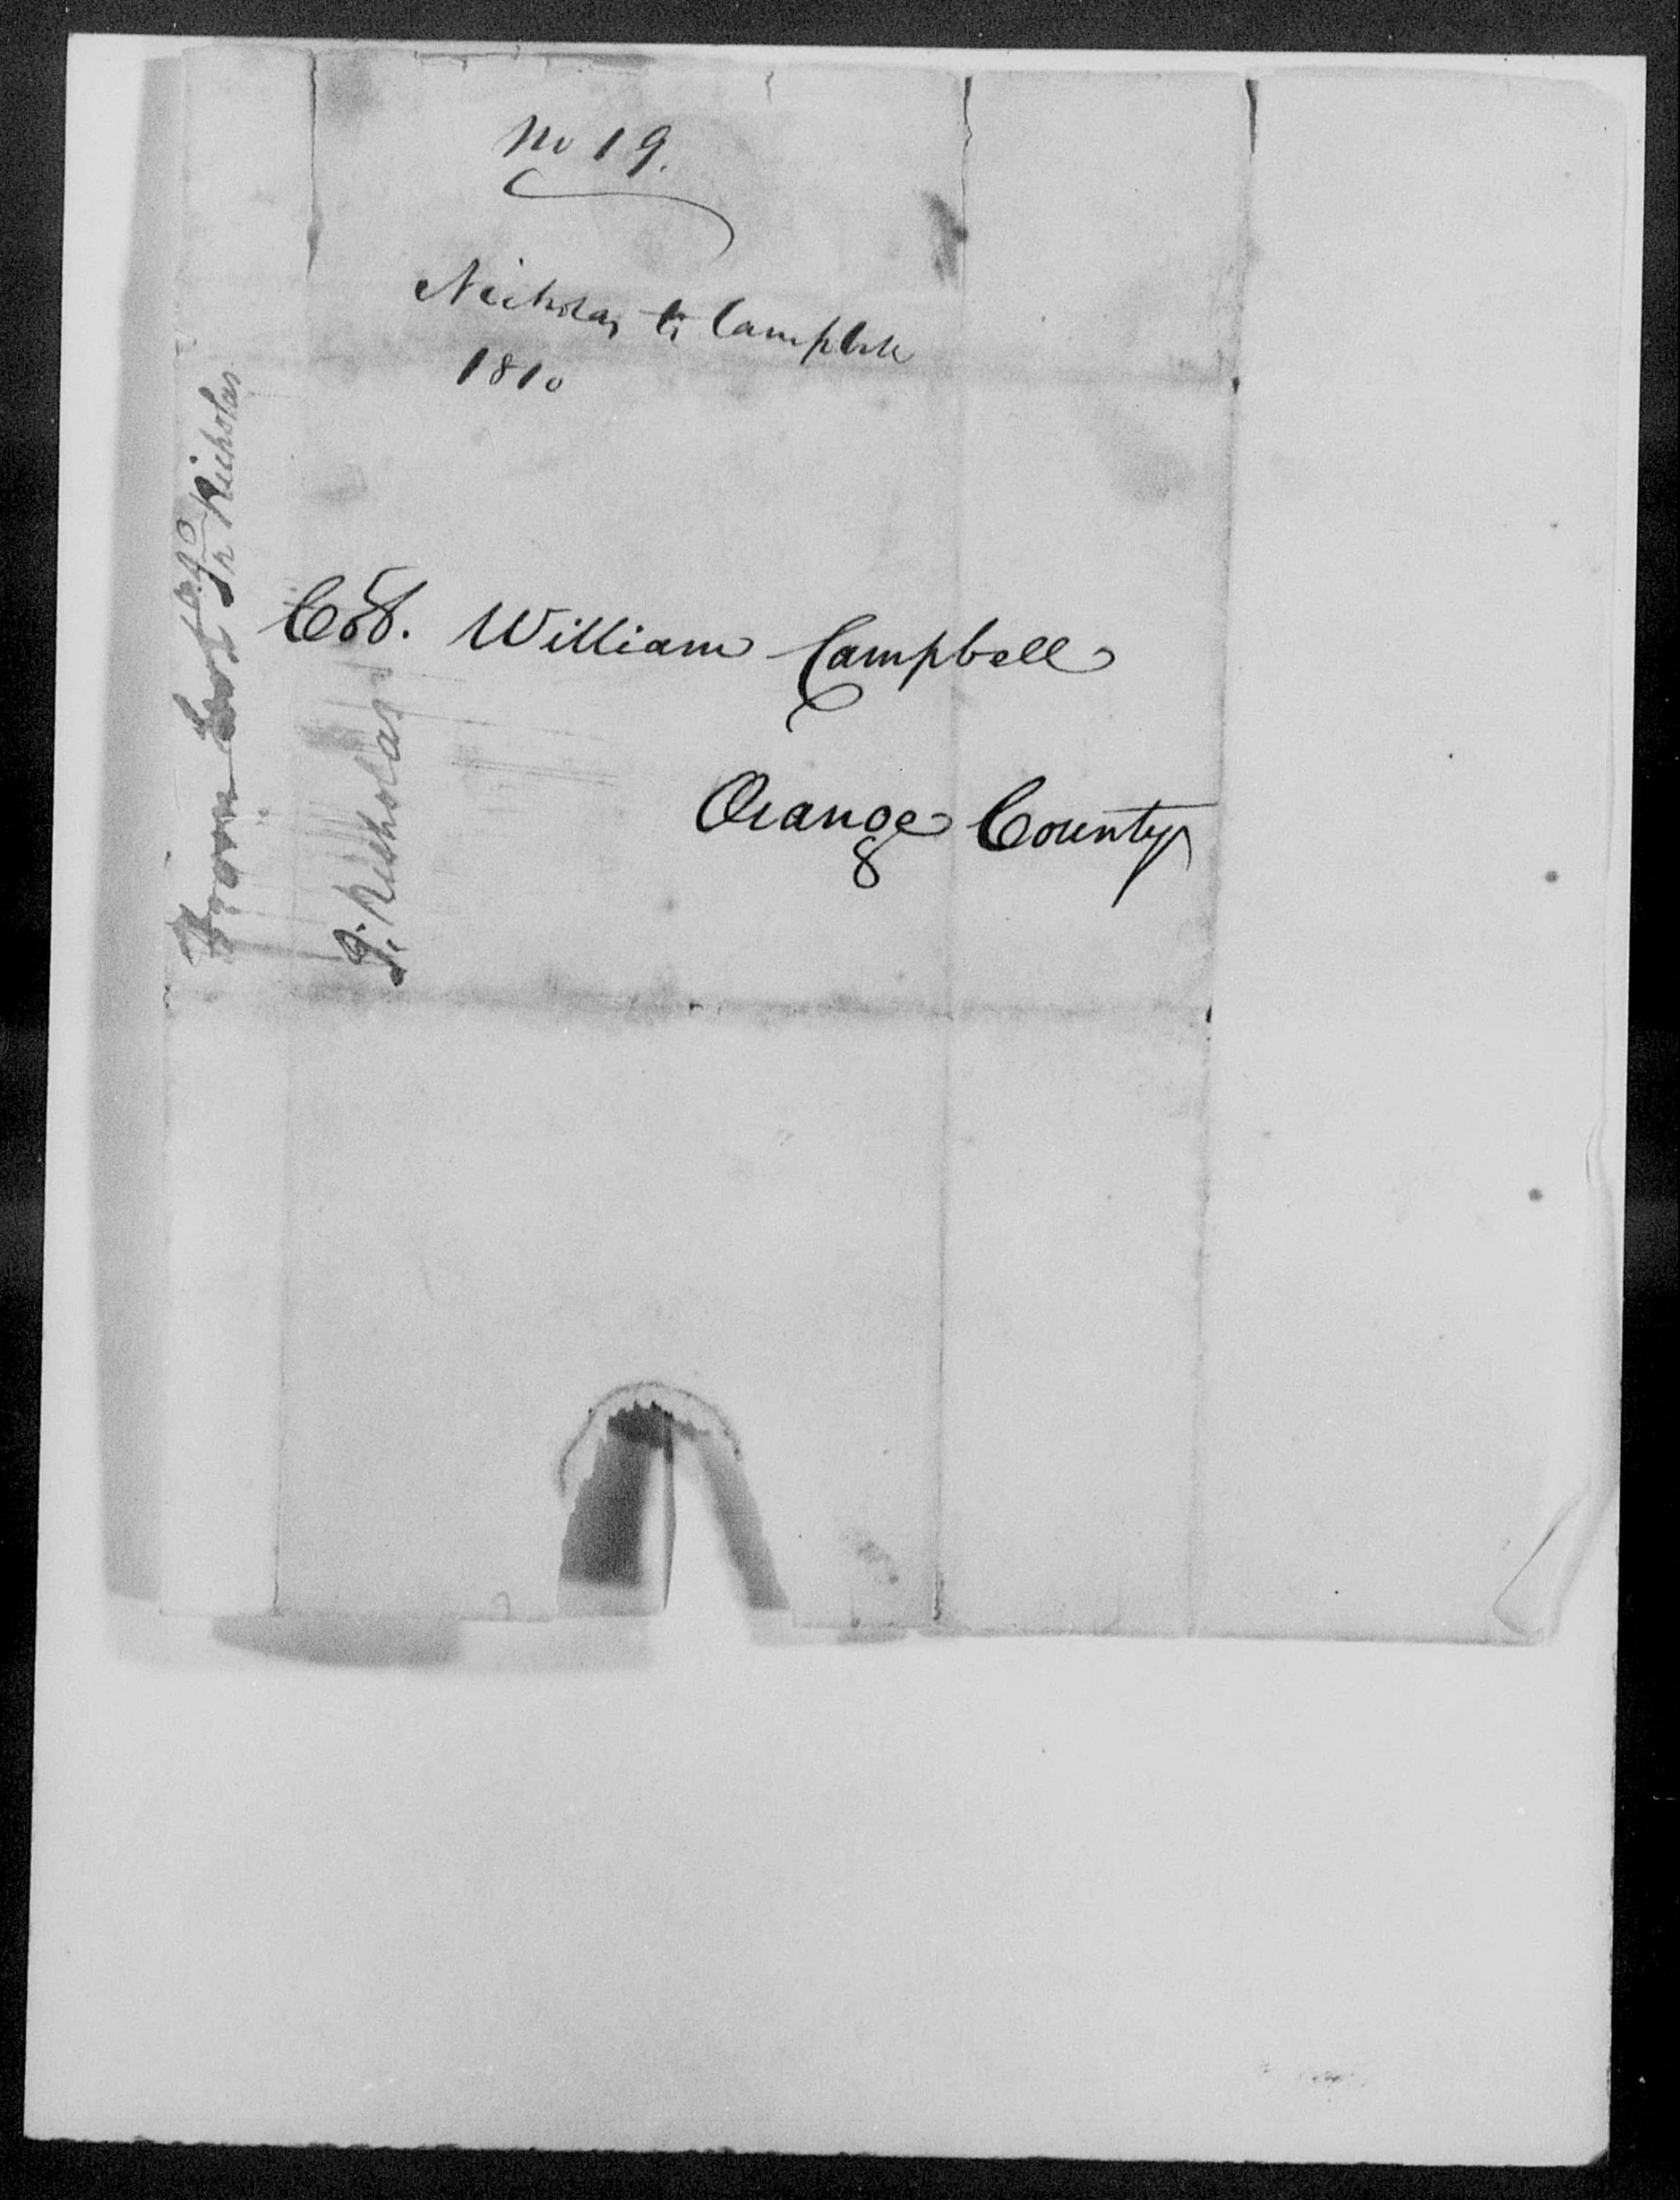No 19.

Nicholas to Campbell 1810

Col. William Campbell
Orange County

From [illegible smudged word] Jr Nicholas
J; Nicholas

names: Nicholas, Jno Nicholas, Campbell, J Nicholas, William Campbell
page: 74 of 267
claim: widow's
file: W. 4,149, William Campbell, Va.